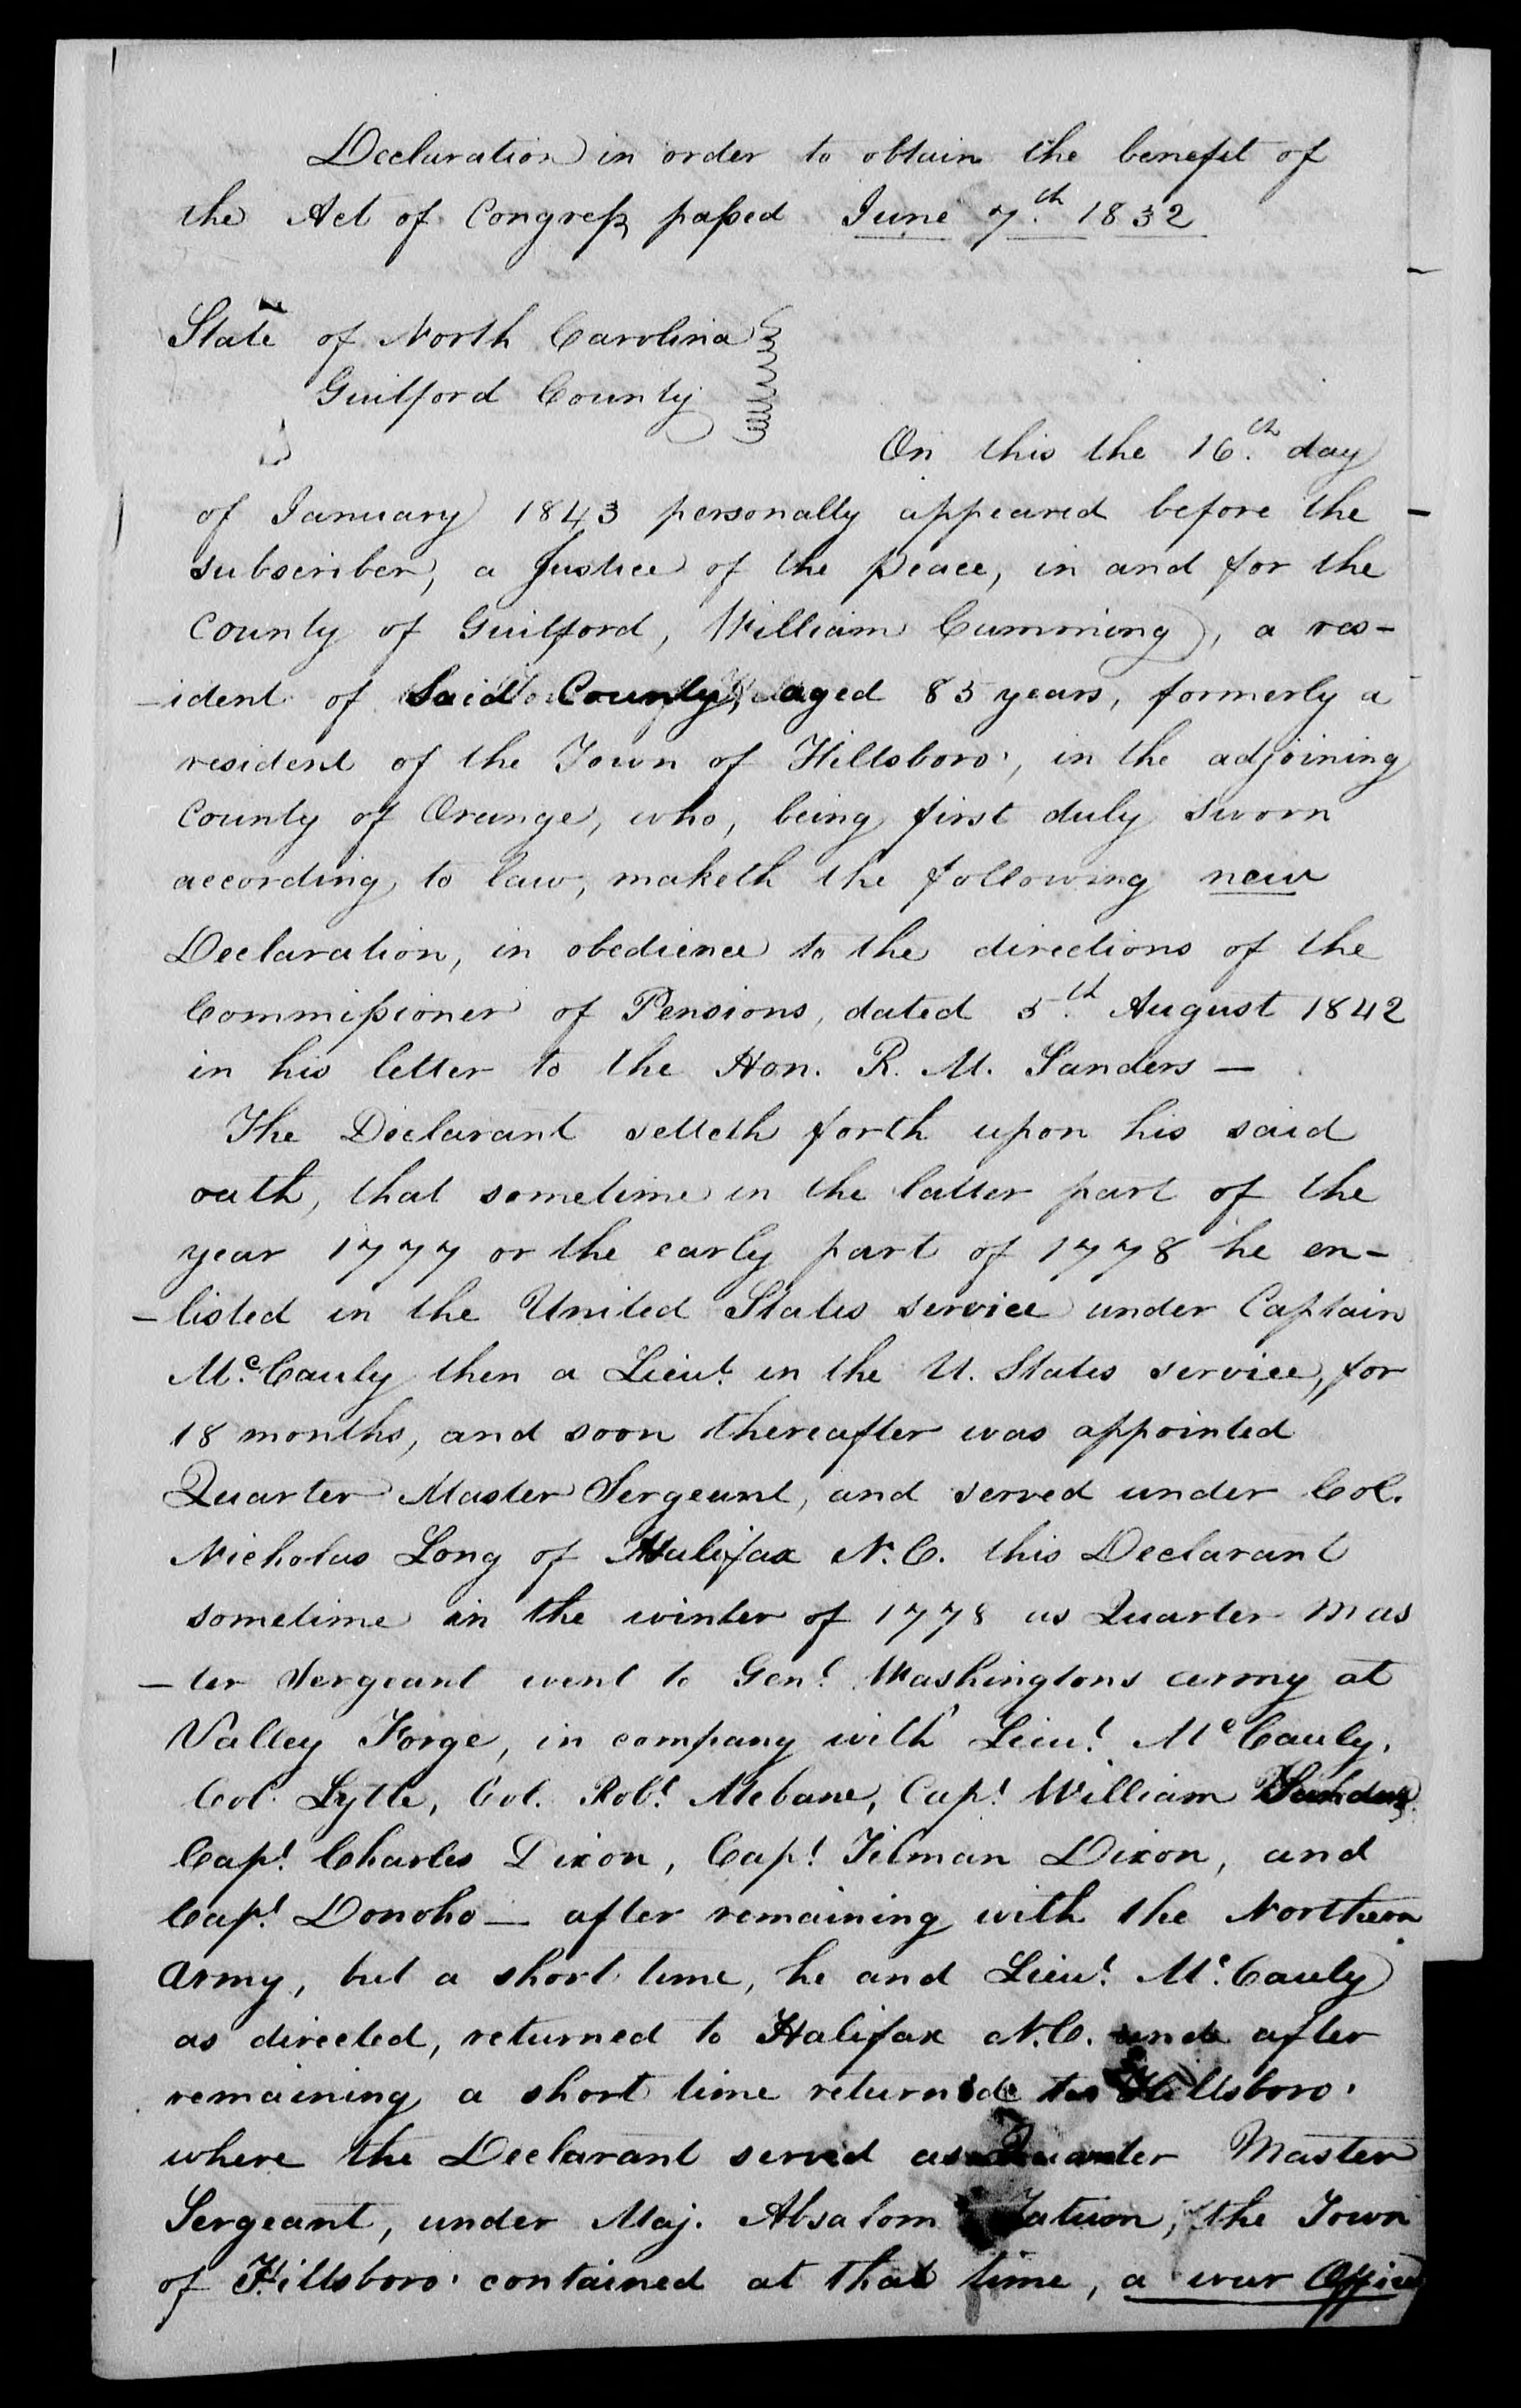[Handwritten record.  This appears to be the first page of William Cummings' 16 Jan 1843 new Declaration. Occasional spacing has been included to make the long text block easier to read.]

Declaration in order to obtain the benefit of the Act of Congress passed here the following date is underlined:] June 7th 1832

State of North Carolina)
Guilford County)  

On this the 16th. day of January 1843 personally appeared before the subscriber, a Justice of the Peace, in and for the county of Guilford, William Cumming, a resident of [here several words were erased and the following three words written] Said County; aged 85 years, formerly a resident of the Town of Hillsboro; in the adjoining County of Orange, who, being first duly Sworn according to law, maketh the following [here the next word is underlined:] new Declaration, in obedience to the directions of the Commissioner of Pensions, dated 5th. August 1842 in his letter to the Hon. R. M. [or U.] Sanders - 

The Declarant [?] setteth forth upon his said oath, that sometime in the latter part of the year 1777 or the early part of 1778 he enlisted in the United Sates service under Captain McCauley then a Lieut. [Lieutenant] in the U. [United] States service, for 18 months, and soon thereafter was appointed Quarter Master Sergeant, and served under Col. Nicholus Long of Halifax N.C.  

this Declarant sometime in the winter of 1778 as Quarter Master Sergeant went to General Washingtons army at Valley Forge, in company with Leiut. [Leiutenant or Lieutenant] McCauly, Col. {Colonel] Lytle, Col. [Colonel} Robt. [Robert] Mebane, Capt. [Captain] William [overwritten surname, hard to read, possibly Saunders:] Capt. {Captain] Charles Dixon, Capt. [Captain] Tilman Dixon, and Capt. [Captain] Donoho _ 

after remaining with the Northern Army, but a short time, he and Leiut. [Leiutenant or Lieutenant] McCauly as directed, returned to Halifax N.C. and after remaining a short time returned to Hillsboro, where the Declarant served as Quarter Master Sergeant, under Maj. Absalom Tatum, the Town of Hillsboro contained at that time, [here the next three words are underlined:] a war Office [or Officer, since the last word is at the bottom right page margin, and it's difficult to determine the last letter]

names: Mc Cauly, Donoho, Absalom Tatum, William Saunders, Tilman Dixon, Nicholas Long, William Cumming, Mc Cauly, Mc Cauly, R M Sanders, Robt Mc Cane, Charles Dixon, Lytle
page: 101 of 145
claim: survivor's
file: S. 8265, William Cumming, N.C.